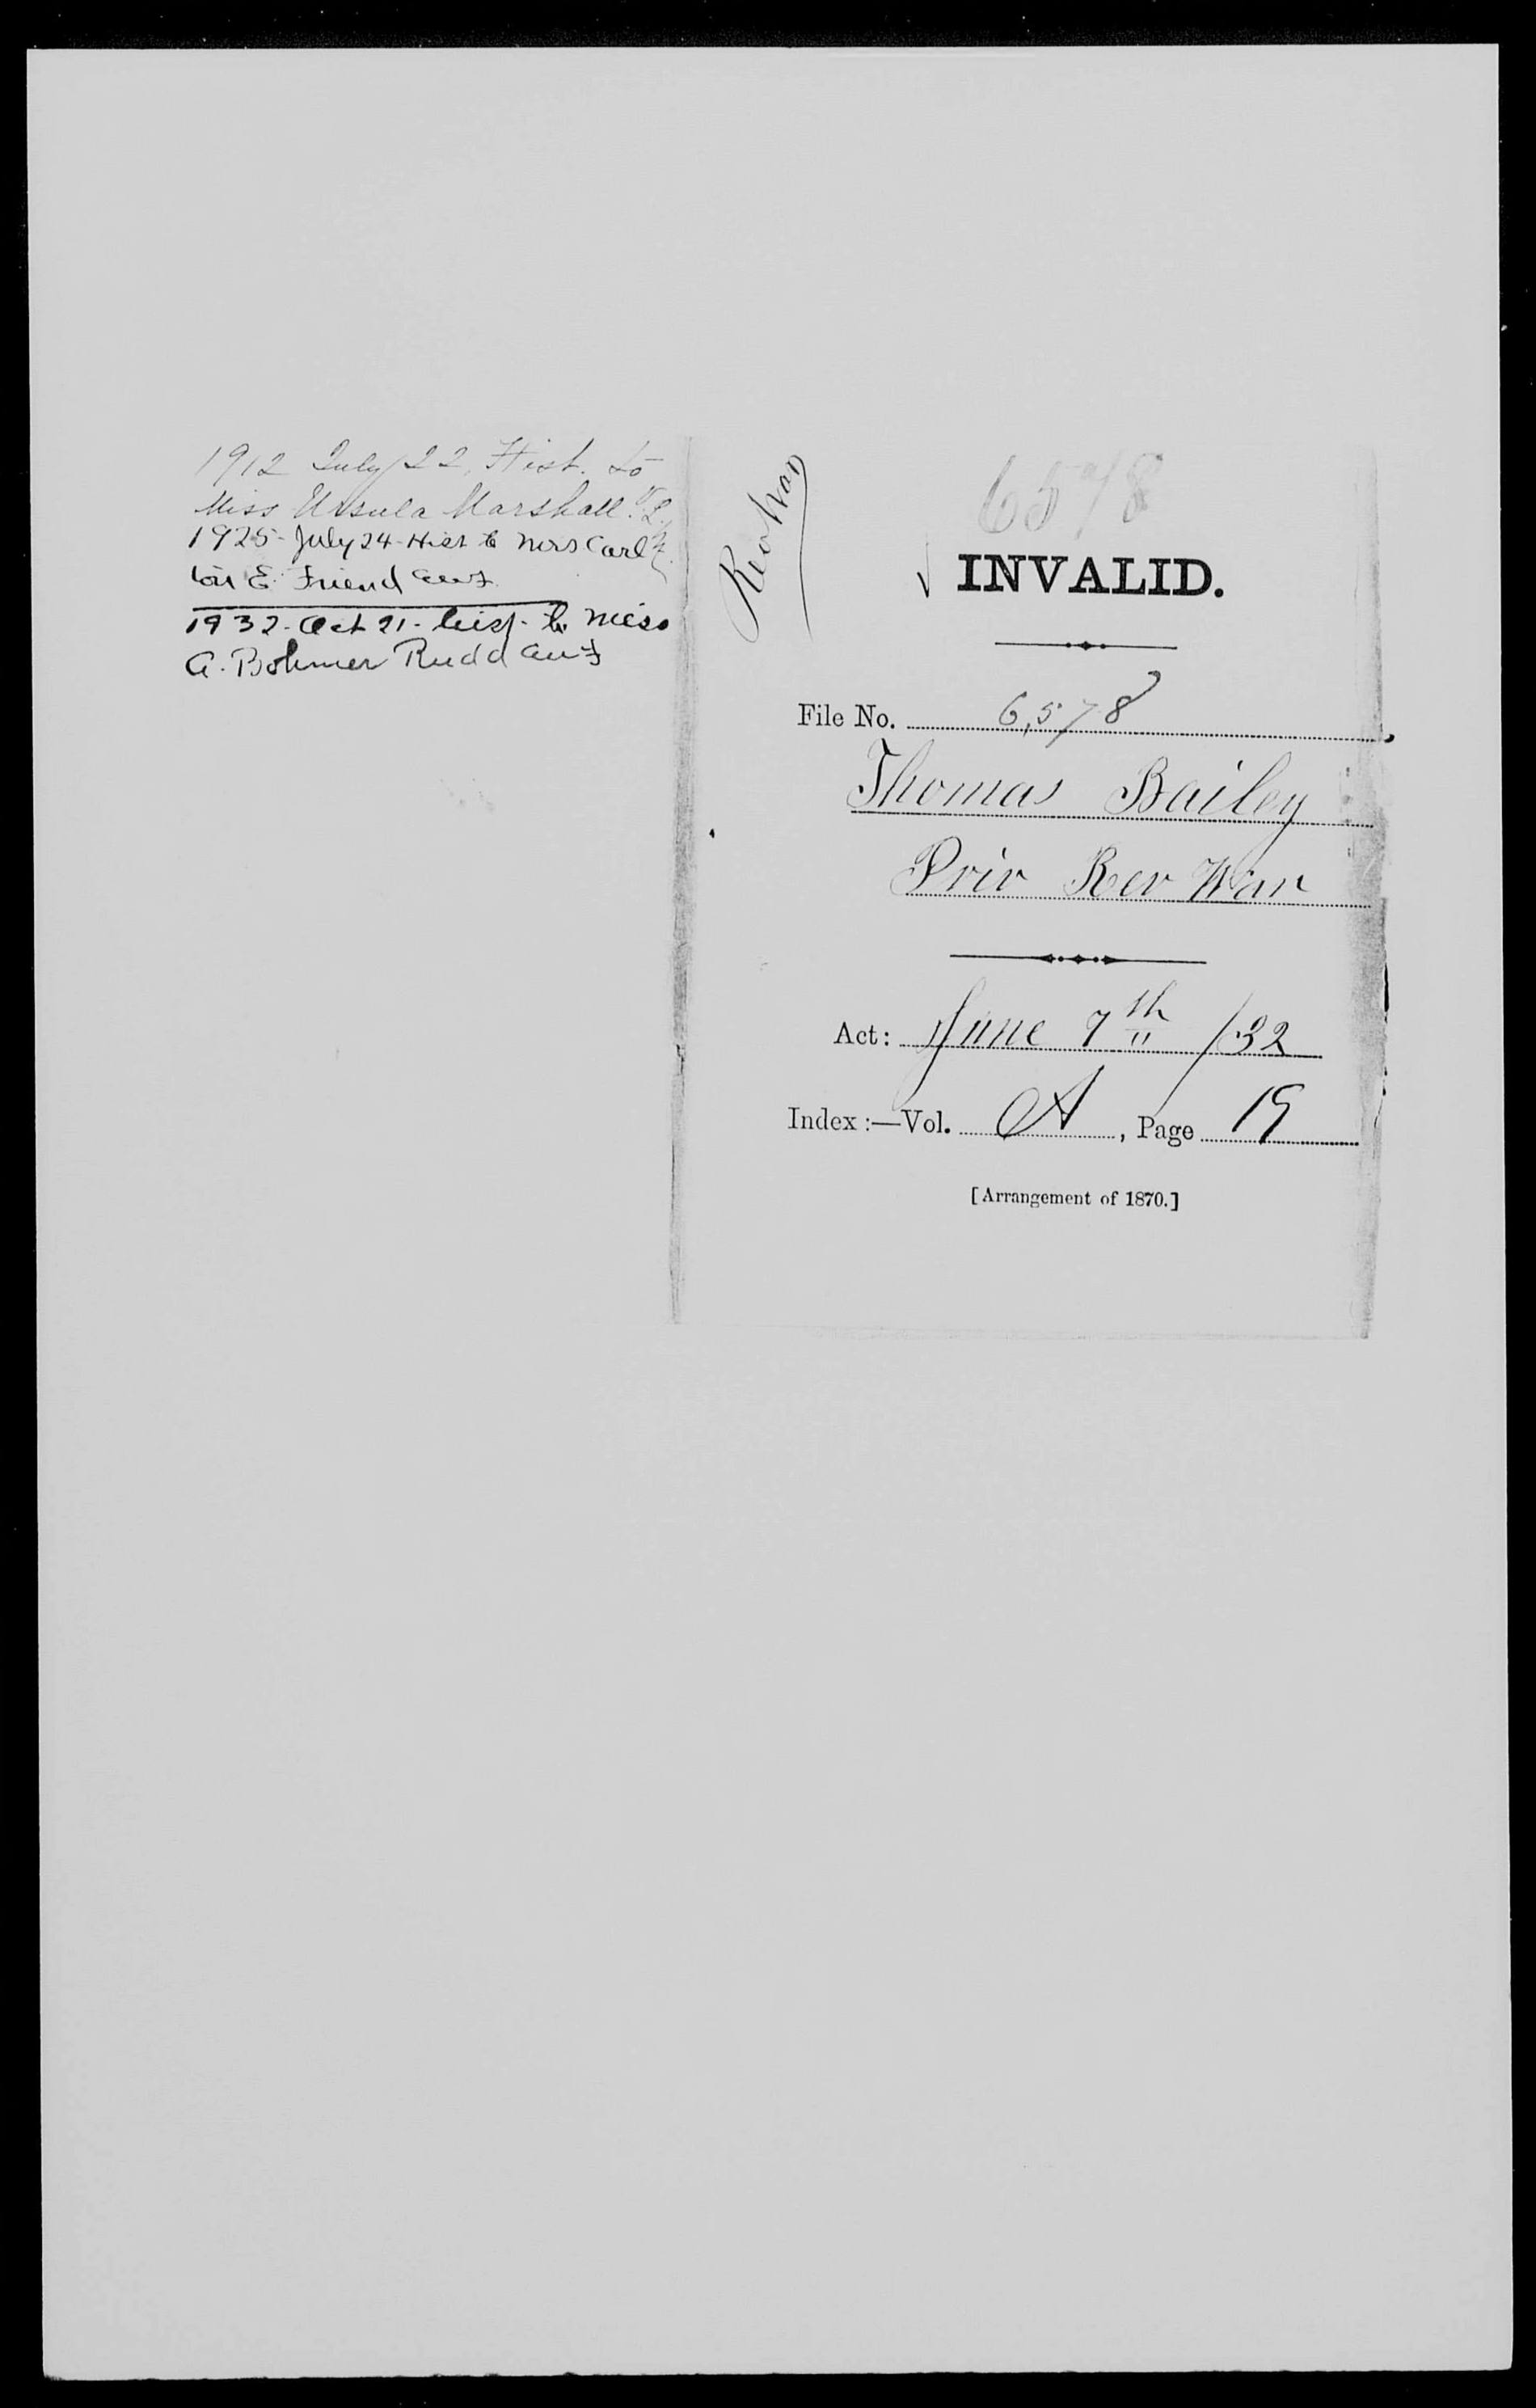[On the left side of the page.]
1912 July 22, Hist. to
Miss Ursula Marshall V.L.W.
1925 July 24 - Hist to Mrs Carlton
 E. Friend EWF
1932. Oct 21. Hist to Miss
A. Bohmer Rudd EWF

[On the right side of the page.]
Rev War
6578
INVALID.
File N. 6,578
Thomas Bailey
Priv Rev War

Act: June 7th /32
Index-:Vol. A, Page 19
[Arrangement of 1870.]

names: Thomas Bailey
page: 11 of 18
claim: survivor's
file: S. 6578, Thomas Bailey, Va.